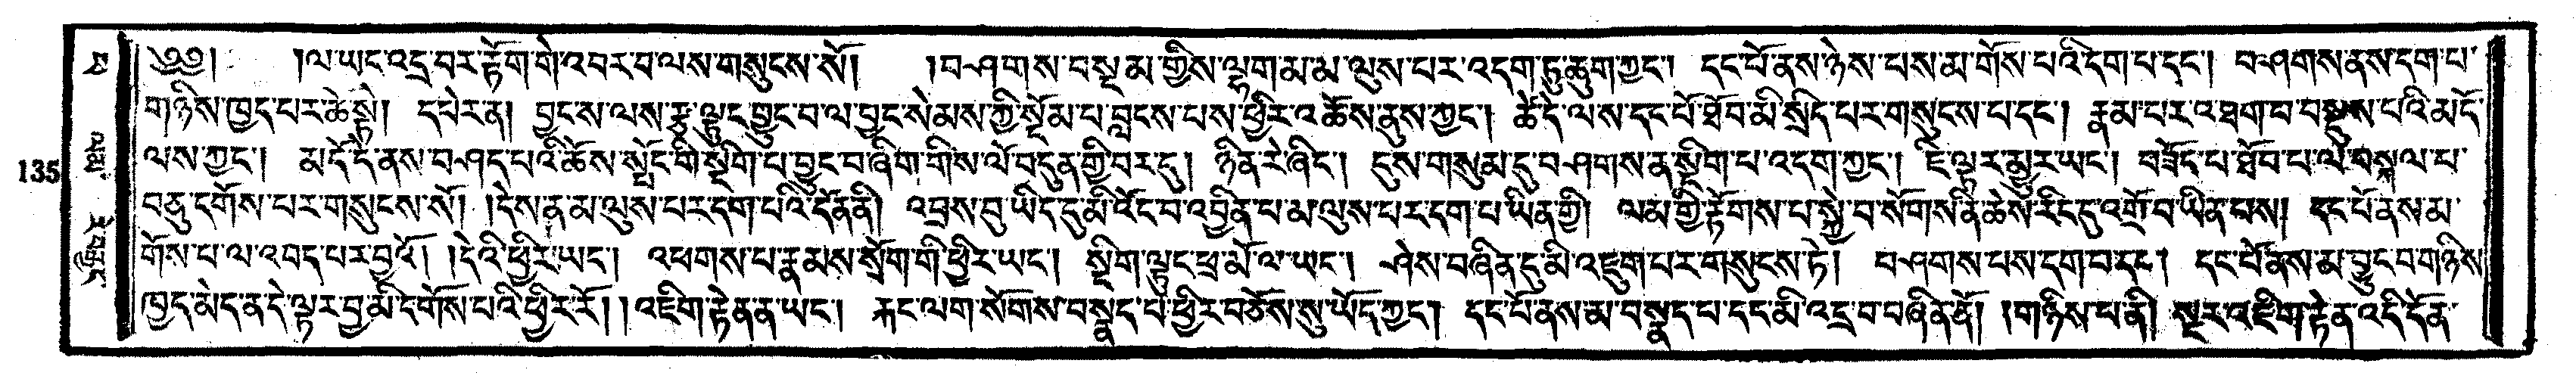༄༅། །ལ་ཡང་འདྲ་བར་རྟོག་གེ་འབར་བ་ལས་གསུངས་སོ། །བཤགས་བསྡམ་གྱིས་ལྷག་མ་མ་ལུས་པར་འདག་ཏུ་ཆུག་ཀྱང་། དང་པོ་ནས་ཉེས་པས་མ་གོས་པའི་དག་པ་དང་། བཤགས་ནས་དག་པ་
གཉིས་ཁྱད་པར་ཆེ་སྟེ། དཔེར་ན། བྱང་ས་ལས་རྩ་ལྟུང་བྱུང་བ་ལ་བྱང་སེམས་ཀྱི་སྡོམ་པ་བླངས་པས་ཕྱིར་འཆོས་ནུས་ཀྱང་། ཚེ་དེ་ལས་དང་པོ་ཐོབ་མི་སྲིད་པར་གསུངས་པ་དང་། རྣམ་པར་འཐག་པ་བསྡུས་པའི་མདོ་
ལས་ཀྱང་། མདོ་དེ་ནས་བཤད་པའི་ཆོས་སྤོང་གི་སྡིག་པ་བྱུང་བ་ཞིག་གིས་ལོ་བདུན་གྱི་བར་དུ། ཉིན་རེ་ཞིང་། དུས་གསུམ་དུ་བཤགས་ན་སྡིག་པ་འདག་ཀྱང་། ཇི་ལྟར་མྱུར་ཡང་། བཟོད་པ་ཐོབ་པ་ལ་བསྐལ་པ་
བཅུ་དགོས་པར་གསུངས་སོ། །དེས་ན་མ་ལུས་པར་དག་པའི་དོན་ནི། འབྲས་བུ་ཡིད་དུ་མི་འོང་བ་འབྱིན་པ་མ་ལུས་པར་དག་པ་ཡིན་གྱི། ལམ་གྱི་རྟོགས་པ་སྐྱེ་བ་སོགས་ནི་ཆེས་རིང་དུ་འགྲོ་བ་ཡིན་པས། དང་པོ་ནས་མ་
གོས་པ་ལ་འབད་པར་བྱའོ། །དེའི་ཕྱིར་ཡང་། འཕགས་པ་རྣམས་སྲོག་གི་ཕྱིར་ཡང་། སྡིག་ལྟུང་ཕྲ་མོ་ལ་ཡང་། ཤེས་བཞིན་དུ་མི་འཇུག་པར་གསུངས་ཏེ། བཤགས་པས་དག་བ་དང་། དང་པོ་ནས་མ་བྱུང་བ་གཉིས་
ཁྱད་མེད་ན་དེ་ལྟར་བྱ་མི་དགོས་པའི་ཕྱིར་རོ། །འཇིག་རྟེན་ན་ཡང་། རྐང་ལག་སོགས་བསྣད་པ་ཕྱིར་བཅོས་སུ་ཡོད་ཀྱང་། དང་པོ་ནས་མ་བསྣད་པ་དང་མི་འདྲ་བ་བཞིན་ནོ། །གཉིས་པ་ནི། སྔར་འཇིག་རྟེན་འདི་དོན་